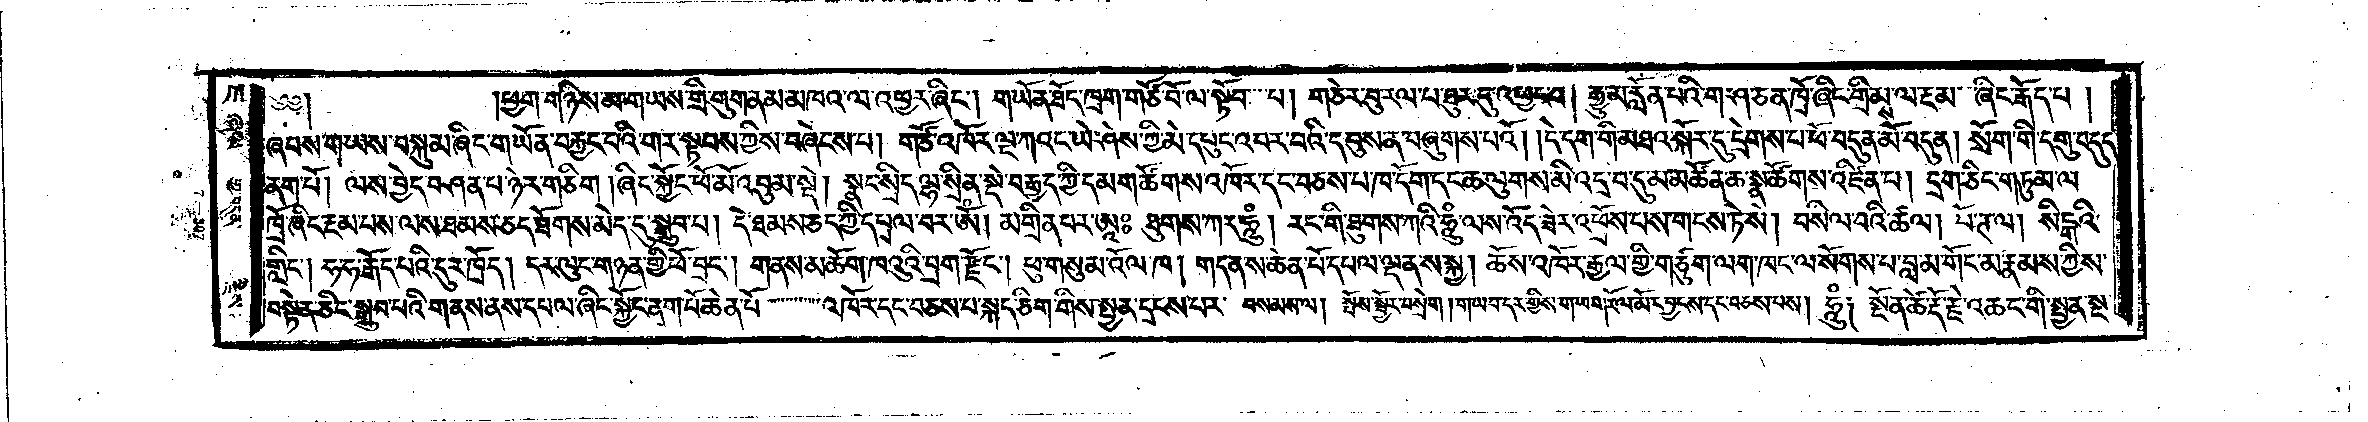༄༅། །ཕྱག་གཉིས་མ། གཡས་གྲི་གུག་རྣམ་མཁའ་ལ་འཕྱར་ཞིང་། གཡོན་ཐོད་ཁྲག་གཙོ་བོ་ལ་སྟོབ་པ། གཅེར་བུ་རལ་པ་ཐུར་དུ་འཕྱང་བ། རྒྱུ་མ་རློན་པའི་ག་ཤ་ཅན་ཁྲོ་ཞིང་གྲིམས་ལ་རྔམ་ཞིང་རྒོད་པ།
ཞབས་གཡས་བསྐུམ་ཞིང་གཡོན་བརྐྱང་བའི་གར་སྟབས་ཀྱིས་བཞེངས་པ། གཙོ་འཁོར་ལྔ་ཀའང་ཡེ་ཤེས་ཀྱི་མེ་དཔུང་འབར་བའི་དབུས་ན་བཞུགས་པའོ། །དེ་དག་གི་མཐའ་སྐོར་དུ་དྲེགས་པ་ཕོ་བདུན་མོ་བདུན། སྲོག་གི་དགུ་བདུད་
ནག་པོ། ལས་བྱེད་བཤན་པ་ཉེར་གཅིག །ཞིང་སྐྱོང་ཕོ་མོ་འབུམ་སྡེ། སྣང་སྲིད་ལྷ་སྲིན་སྡེ་བརྒྱད་ཀྱི་དམག་ཚོགས་འཁོར་དང་བཅས་པ་ཁ་དོག་དང་ཆ་ལུགས་མི་འདྲ་བ་དུ་མ་མཚོན་ཆ་སྣ་ཚོགས་འཛིན་པ། དྲག་ཅིང་གཏུམ་ལ་
ཁྲོ་ཞིང་རྔམ་པས་ལས་ཐམས་ཅད་ཐོགས་མེད་དུ་སྒྲུབ་པ། དེ་ཐམས་ཅད་ཀྱི་དཔྲལ་བར་ཨོཾ། མགྲིན་པར་ཨཱཿཐུགས་ཀར་ཧཱུཾ། རང་གི་ཐུགས་ཀའི་ཧཱུཾ་ལས་འོད་ཟེར་འཕྲོས་པས་གངས་ཏེ་སེ། བསིལ་བའི་ཚལ། པོཏ་ལ། སིངྒའི་
གླིང༑ ཧ་ཧ་རྒོད་པའི་དུར་ཁྲོད། དར་ལུང་གཉན་གྱི་ཕོ་བྲང་། གནས་མཆོག་ཁའུའི་བྲག་རྫོང་། ཕུ་གསུམ་འོལ་ཁ། གདན་ས་ཆེན་པོ་དཔལ་ལྡན་ས་སྐྱ། ཆོས་འཁོར་རྒྱལ་གྱི་གཙུག་ལག་ཁང་ལ་སོགས་པ་བླ་མ་གོང་མ་རྣམས་ཀྱིས་
བསྟེན་ཅིང་སྒྲུབ་པའི་གནས་ནས་དཔལ་ཞིང་སྐྱོང་ནག་པོ་ཆེན་པོ་འཁོར་དང་བཅས་པ་སྐད་ཅིག་གིས་སྤྱན་དྲངས་པར་བསམས་ལ། སྤོས་སྦྱོར་བསྲེག །གཡབ་དར་བྱིས་གཡབ། རོལ་མོ་དབྱངས་དང་བཅས་པས།  ཧཱུཾ༑ སྔོན་ཚེ་རྡོ་རྗེ་འཆང་གི་སྤྱན་སྔ་